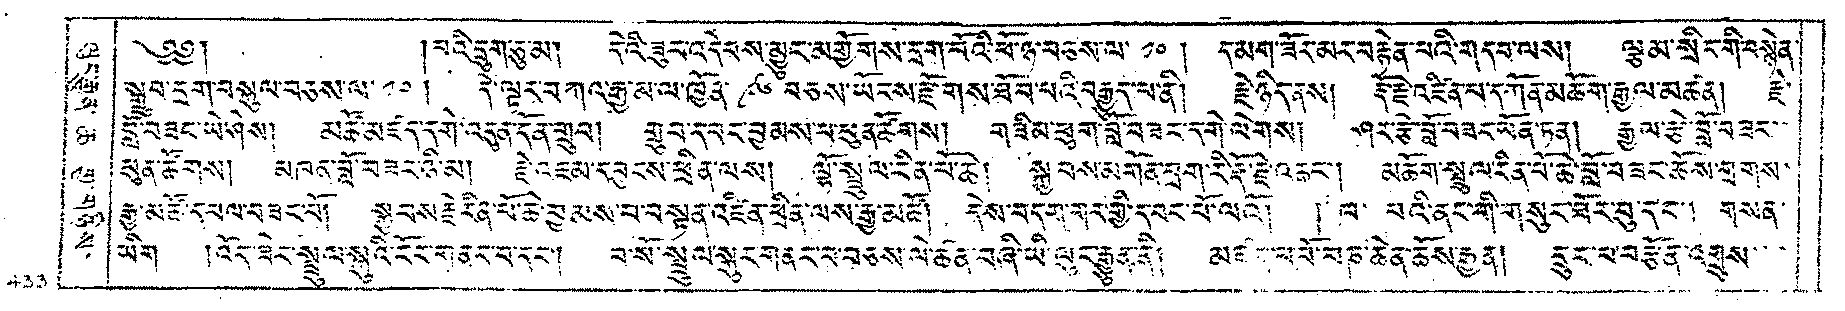༄༅། །པའི་དྲུག་ཅུ་མ། དེའི་ཟུར་འདེབས་མྱུར་མགྱོགས་དྲག་པོའི་ཕོ་ཉ་བཅས་ལ ༡༠། དམག་ཟོར་མར་བརྟེན་པའི་གདབ་ལས། ལྕམ་སྲིང་གི་བསྙེན་
སྒྲུབ་དྲག་བསྐུལ་བཅས་ལ ༡༠། དེ་ལྟར་བཀའ་རྒྱ་མ་ལ་ཁྱོན ༩༦་བཅས་ཡོངས་རྫོགས་ཐོབ་པའི་བརྒྱུད་པ་ནི། རྗེ་ཉིད་ནས། རྡོ་རྗེ་འཛིན་པ་དཀོན་མཆོག་རྒྱལ་མཚན། རྗེ་
བློ་བཟང་ཡེ་ཤེས། མཚོ་མཛད་དགེ་འདུན་དོན་གྲུབ། གྲུབ་དབང་བྱམས་པ་ཕུན་ཚོགས། གཟིམ་ཕུག་བློ་བཟང་དགེ་ལེགས། ཤར་རྩེ་བློ་བཟང་ཡོན་ཏན། རྒྱལ་རྩེ་བློ་བཟང་
ཕུན་ཚོགས། མཁན་བློ་བཟང་ཉི་མ། རྗེ་འཇམ་དབྱངས་ཕྲིན་ལས། ལྷོ་སྤྲུལ་རིན་པོ་ཆེ། སྐྱབས་མགོན་བྲག་རི་རྡོ་རྗེ་འཆང་། མཆོག་སྤྲུལ་རིན་པོ་ཆེ་བློ་བཟང་ཆོས་གྲགས་
རྒྱ་མཚོ་དཔལ་བཟང་པོ། སྐྱབས་རྗེ་རིན་པོ་ཆེ་བྱམས་པ་བསྟན་འཛིན་ཕྲིན་ལས་རྒྱ་མཚོ། དེས་བདག་གར་གྱི་དབང་པོ་ལའོ། །ཁ་པའི་ནང་གི་གསུང་ཐོར་བུ་དང་། གསན་
ཡིག །འོད་ཟེར་སྤྲུལ་སྐུའི་ངོར་གནང་བ་དང་། བ་སོ་སྤྲུལ་སྐུར་གནང་བ་བཅས་ལེ་ཚན་བཞི་ཡི་ལུང་རྒྱུན་ནི། མཛད་པ་པོ་པཎ་ཆེན་ཆོས་རྒྱན། དྲུང་པ་བརྩོན་འགྲུས་